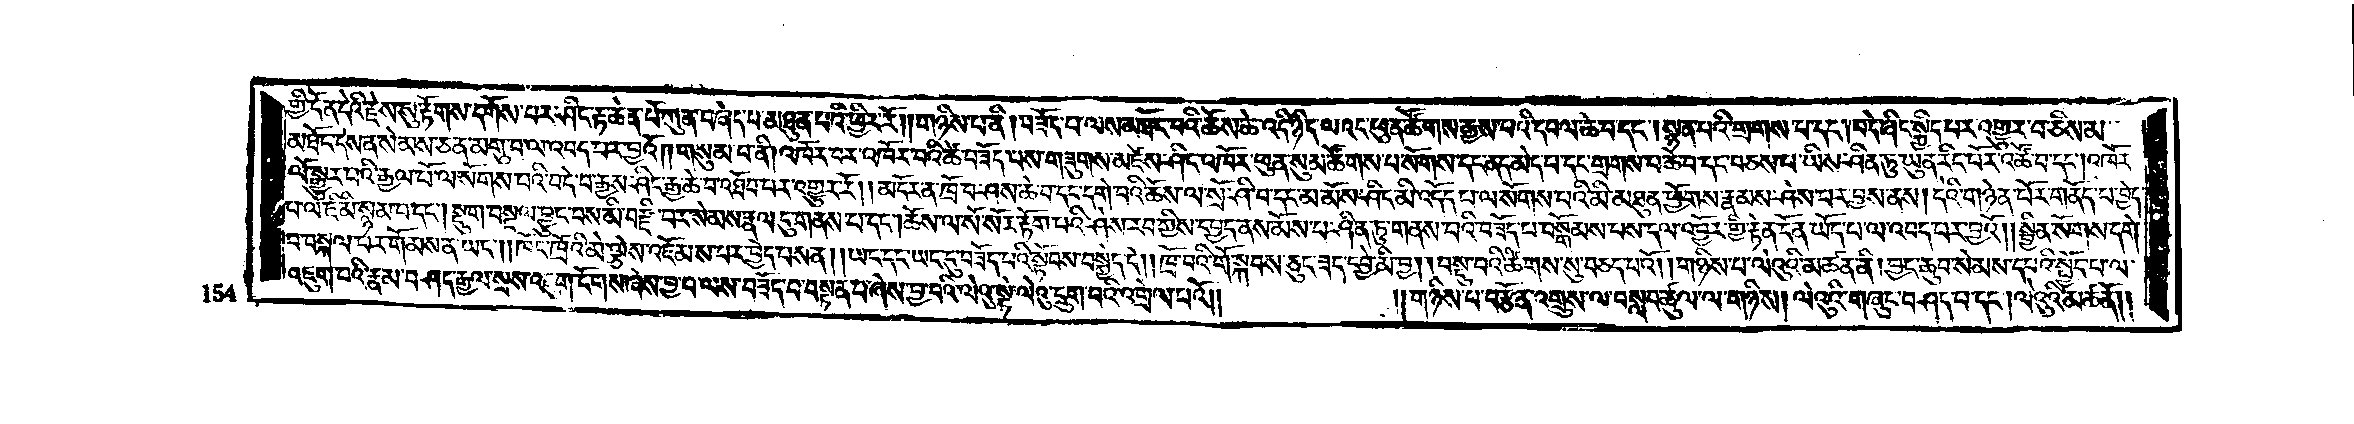གྱི་དོན་དེའི་རྗེས་སུ་རྟོགས་དགོས་པར་ཤིང་རྟ་ཆེན་པོ་ཀུན་བཞེད་པ་མཐུན་པའི་ཕྱིར་རོ། །གཉིས་པ་ནི། བཟོད་པ་ལས་མཐོང་བའི་ཆོས་ཚེ་འདི་ཉིད་ལའང་ཕུན་ཚོགས་རྒྱས་པའི་དཔལ་ཆེ་བ་དང་། སྙན་པའི་གྲགས་པ་དང་། བདེ་ཞིང་སྐྱེད་པར་འགྱུར་བ་ཅིས་མ་
མཐོང་དེས་ན་སེམས་ཅན་མགུ་བ་ལ་འབད་པར་བྱའོ། །གསུམ་པ་ནི། འཁོར་བར་འཁོར་བའི་ཚེ་བཟོད་པས་གཟུགས་མཛེས་ཤིང་འཁོར་ཕུན་སུམ་ཚོགས་པ་སོགས་དང་ནད་མེད་པ་དང་གྲགས་པ་ཆེ་བ་དང་བཅས་པ་ཡིས་ཤིན་ཏུ་ཡུན་རིང་པོར་འཚོ་བ་དང།། འཁོར་
ལོ་སྒྱུར་བའི་རྒྱལ་པོ་ལ་སོགས་པའི་བདེ་བ་རྒྱས་ཤིང་རྒྱ་ཆེ་བ་འཐོབ་པར་འགྱུར་རོ། །མདོར་ན་ཁྲོ་བ་ཤེས་ཆེ་བ་དང་དགེ་བའི་ཆོས་ལ་སྲོ་ཤི་བ་དང་མ་མོས་ཤིང་མི་འདོད་པ་ལ་སོགས་པའི་མི་མཐུན་ཕྱོགས་རྣམས་ཤེས་པར་བྱས་ནས། དེའི་གཉེན་པོར་གནོད་པ་བྱེད་
པ་ལ་ཇི་མི་སྙམ་པ་དང་། སྡུག་བསྔལ་བྱུང་བས་མི་བརྫི་པར་སེམས་རྣལ་དུ་གནས་པ་དང་། ཆོས་ལ་སོ་སོར་རྟོག་པའི་ཤེས་རབ་ཀྱིས་དཔྱད་ནས་མོས་པ་ཤིན་ཏུ་གནས་པའི་བཟོད་པ་བསྒོམས་པས་དལ་འབྱོར་གྱི་རྟེན་དོན་ཡོད་པ་ལ་འབད་པར་བྱའོ། །སྦྱིན་སོགས་དགེ་
བ་བསྐལ་པར་གོམས་ན་ཡང་། ཁོང་ཁྲོའི་མེ་ལྕེས་འཇོམས་པར་བྱེད་པས་ན། །ཡང་དང་ཡང་དུ་བཟོད་པའི་སྟོབས་བསྐྱེད་དེ། །ཁྲོ་བའི་གོ་སྐབས་ཅུང་ཟད་དབྱེ་མི་བྱ། །བསྡུ་བའི་ཚིགས་སུ་བཅད་པའོ། །གཉིས་པ་ལེའུའི་མཚན་ནི། བྱང་ཆུབ་སེམས་དཔའི་སྤྱོད་པ་ལ་
འཇུག་པའི་རྣམ་བཤད་རྒྱལ་སྲས་འཇུག་ངོགས་ཞེས་བྱ་བ་ལས་བཟོད་པ་བསྟན་པ་ཞེས་བྱ་བའི་ལེའུ་སྟེ་ལེའུ་དྲུག་པའི་འགྲེལ་པའོ།། །།གཉིས་པ་བརྩོན་འགྲུས་ལ་བསླབ་ཚུལ་ལ་གཉིས། ལེའུའི་གཞུང་བཤད་པ་དང་། ལེའུའི་མཚན་ནོ། །